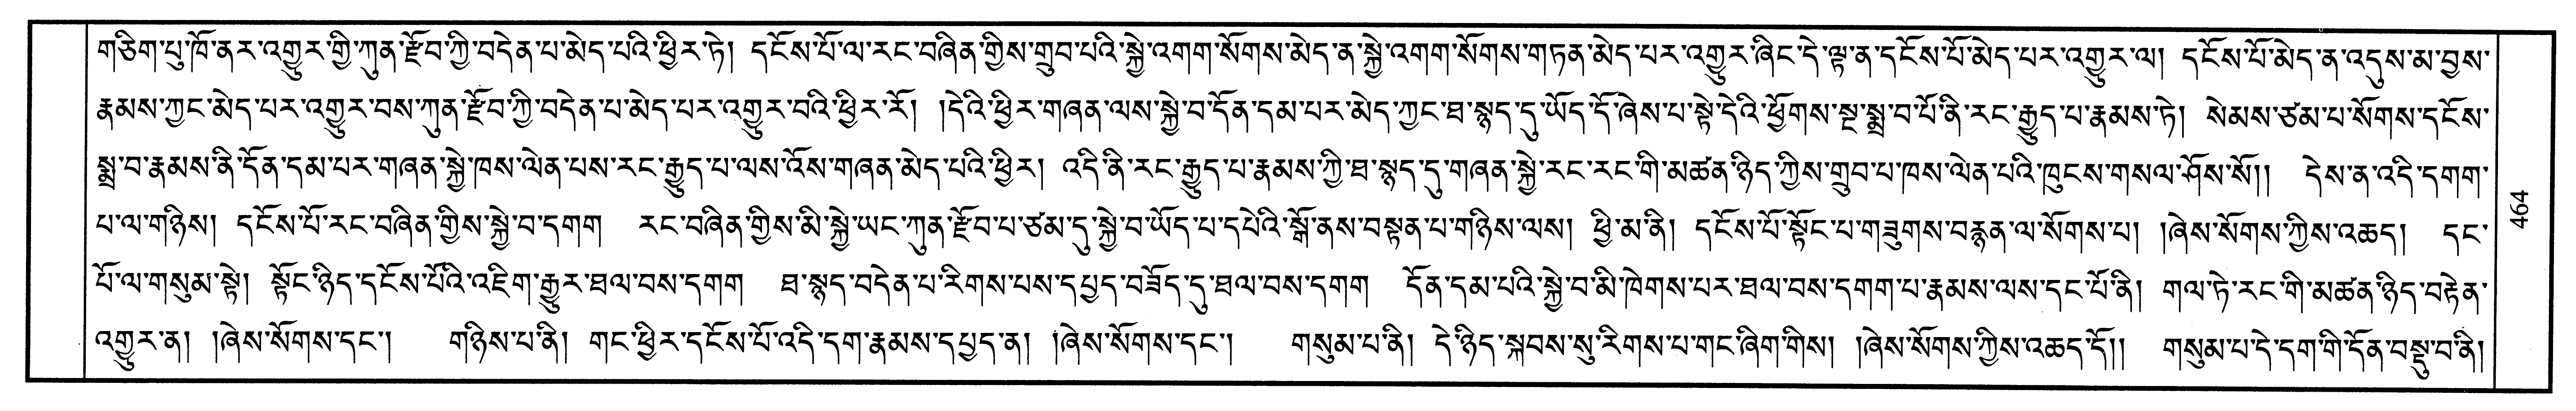གཅིག་པུ་ཁོ་ནར་འགྱུར་གྱི་ཀུན་རྫོབ་ཀྱི་བདེན་པ་མེད་པའི་ཕྱིར་ཏེ། དངོས་པོ་ལ་རང་བཞིན་གྱིས་གྲུབ་པའི་སྐྱེ་འགག་སོགས་མེད་ན་སྐྱེ་འགག་སོགས་གཏན་མེད་པར་འགྱུར་ཞིང་དེ་ལྟ་ན་དངོས་པོ་མེད་པར་འགྱུར་ལ། དངོས་པོ་མེད་ན་འདུས་མ་བྱས་
རྣམས་ཀྱང་མེད་པར་འགྱུར་བས་ཀུན་རྫོབ་ཀྱི་བདེན་པ་མེད་པར་འགྱུར་བའི་ཕྱིར་རོ། །དེའི་ཕྱིར་གཞན་ལས་སྐྱེ་བ་དོན་དམ་པར་མེད་ཀྱང་ཐ་སྙད་དུ་ཡོད་དོ་ཞེས་པ་སྟེ་དེའི་ཕྱོགས་སྔ་སྨྲ་བ་པོ་ནི་རང་རྒྱུད་པ་རྣམས་ཏེ། སེམས་ཙམ་པ་སོགས་དངོས་
སྨྲ་བ་རྣམས་ནི་དོན་དམ་པར་གཞན་སྐྱེ་ཁས་ལེན་པས་རང་རྒྱུད་པ་ལས་འོས་གཞན་མེད་པའི་ཕྱིར། འདི་ནི་རང་རྒྱུད་པ་རྣམས་ཀྱི་ཐ་སྙད་དུ་གཞན་སྐྱེ་རང་རང་གི་མཚན་ཉིད་ཀྱིས་གྲུབ་པ་ཁས་ལེན་པའི་ཁུངས་གསལ་ཤོས་སོ།། དེས་ན་འདི་དགག་
པ་ལ་གཉིས། དངོས་པོ་རང་བཞིན་གྱིས་སྐྱེ་བ་དགག །རང་བཞིན་གྱིས་མི་སྐྱེ་ཡང་ཀུན་རྫོབ་པ་ཙམ་དུ་སྐྱེ་བ་ཡོད་པ་དཔེའི་སྒོ་ནས་བསྟན་པ་གཉིས་ལས། ཕྱི་མ་ནི། དངོས་པོ་སྟོང་པ་གཟུགས་བརྙན་ལ་སོགས་པ། །ཞེས་སོགས་ཀྱིས་འཆད། དང་
པོ་ལ་གསུམ་སྟེ། སྟོང་ཉིད་དངོས་པོའི་འཇིག་རྒྱུར་ཐལ་བས་དགག །ཐ་སྙད་བདེན་པ་རིགས་པས་དཔྱད་བཟོད་དུ་ཐལ་བས་དགག་དོན་དམ་པའི་སྐྱེ་བ་མི་ཁེགས་པར་ཐལ་བས་དགག་པ་རྣམས་ལས་དང་པོ་ནི། གལ་ཏེ་རང་གི་མཚན་ཉིད་བརྟེན་
འགྱུར་ན། །ཞེས་སོགས་དང་། གཉིས་པ་ནི། གང་ཕྱིར་དངོས་པོ་འདི་དག་རྣམས་དཔྱད་ན། །ཞེས་སོགས་དང་། གསུམ་པ་ནི། དེ་ཉིད་སྐབས་སུ་རིགས་པ་གང་ཞིག་གིས། །ཞེས་སོགས་ཀྱིས་འཆད་དོ།། གསུམ་པ་དེ་དག་གི་དོན་བསྡུ་བ་ནི།